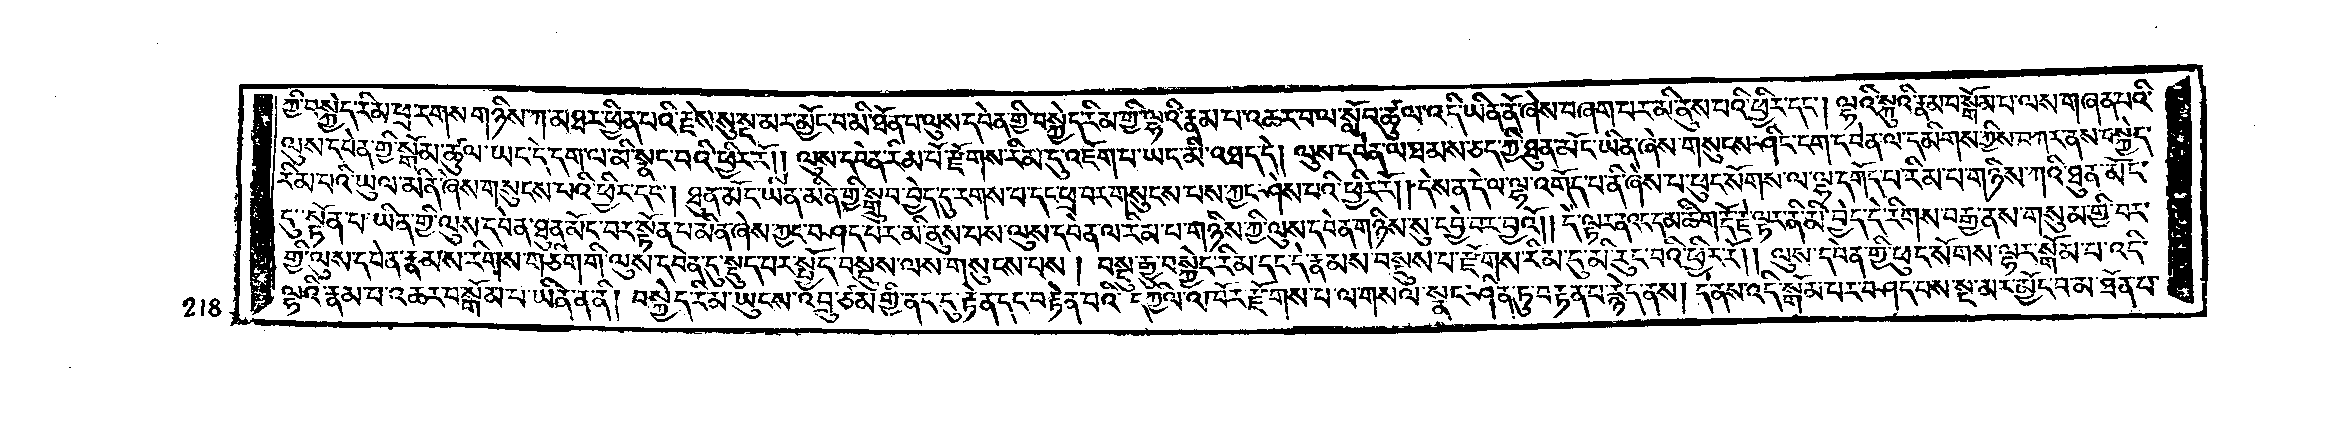ཀྱི་བསྐྱེད་རིམ་ཕྲ་རགས་གཉིས་ཀ་མཐར་ཕྱིན་པའི་རྗེས་སུ་སྔ་མར་མྱོང་བ་མི་ཐོན་པ་ལུས་དབེན་གྱི་བསྐྱེད་རིམ་གྱི་ལྷའི་རྣམ་པ་འཆར་བ་ལ་སློབ་ཚུལ་འདི་ཡིན་ནོ་ཞེས་བཞག་པར་མི་ནུས་པའི་ཕྱིར་དང་། ལྷའི་སྐུའི་རྣམ་པ་སྒོམ་པ་ལས་གཞན་པའི་
ལུས་དབེན་གྱི་སྒོམ་ཚུལ་ཡང་དེ་དག་ལ་མི་སྣང་བའི་ཕྱིར་རོ། །ལུས་དབེན་རིལ་པོ་རྫོགས་རིམ་དུ་འཇོག་པ་ཡང་མི་འཐད་དེ། ལུས་དབེན་ལ་ཐམས་ཅད་ཀྱི་ཐུན་མོང་ཡིན་ཞེས་གསུངས་ཤིང་ངག་དབེན་ལ་དམིགས་ཀྱིས་བཀར་ནས་བསྐྱེད་
རིམ་པའི་ཡུལ་མིན་ཞེས་གསུངས་པའི་ཕྱིར་དང་། ཐུན་མོང་ཡིན་མིན་གྱི་སྒྲུབ་བྱེད་དུ་རགས་པ་དང་ཕྲ་བར་གསུངས་པས་ཀྱང་ཤེས་པའི་ཕྱིར་རོ། །དེས་ན་དེ་ལ་ལྷ་འགོད་པ་ནི་ཞེས་པ་ཕུང་སོགས་ལ་ལྷ་དགོད་པ་རིམ་པ་གཉིས་ཀའི་ཐུན་མོང་
དུ་སྟོན་པ་ཡིན་གྱི་ལུས་དབེན་ཐུན་མོང་བར་སྟོན་པ་མིན་ཞེས་ཀྱང་བཤད་པར་མི་ནུས་པས་ལུས་དབེན་ལ་རིམ་པ་གཉིས་ཀྱི་ལུས་དབེན་གཉིས་སུ་དབྱེ་བར་བྱའོ། །དེ་ལྟར་ནའང་དམ་ཚིག་རྡོ་རྗེ་ལྟར་ནི་མི་བྱེད་དེ་རིགས་བརྒྱ་ནས་གསུམ་གྱི་བར་
གྱི་ལུས་དབེན་རྣམས་རིགས་གཅིག་གི་ལུས་དབེན་དུ་སྡུད་པར་སྤྱོད་བསྡུས་ལས་གསུངས་པས། བསྡུ་རྒྱུ་བསྐྱེད་རིམ་དང་དེ་རྣམས་བསྡུས་པ་རྫོགས་རིམ་དུ་མི་རུང་བའི་ཕྱིར་རོ། །ལུས་དབེན་གྱི་ཕུང་སོགས་ལྷར་སྒོམ་པ་འདི་
ལྷའི་རྣམ་པ་འཆར་བ་སྒོམ་པ་ཡིན་ན་ནི། བསྐྱེད་རིམ་ཡུངས་འབྲུ་ཙམ་གྱི་ནང་དུ་རྟེན་དང་བརྟེན་པའི་དཀྱིལ་འཁོར་རྫོགས་པ་ལ་གསལ་སྣང་ཤིན་ཏུ་བརྟན་པ་རྙེད་ནས། དེ་ནས་འདི་སྒོམ་པར་བཤད་པས་སྔ་མར་མྱོང་བ་མ་ཐོན་པ་